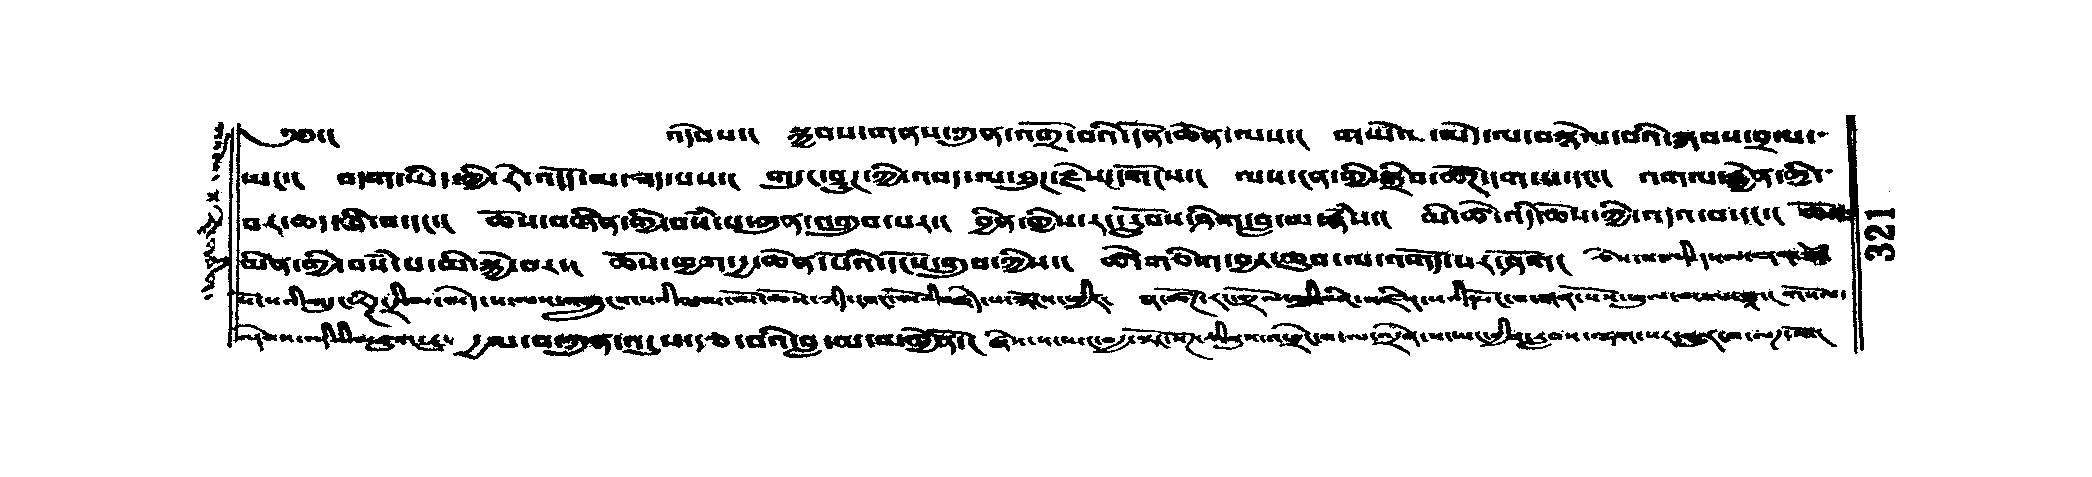འདེབས། །སྐྱབས་གནས་ཀུན་འགྲོ་བའི་དོན་ཆེན་ལས། །གཡེལ་མཻད་ལ་བསྙེལ་བའི་སྐབས་བྲལ་
ཡང་། །བདག་ཡིད་ཀྱི་རེ་འདོད་མ་ཟད་པས། །གདུང་ཤུགས་ཀྱི་འབད་ལ་ཐུགས་རྗེས་དགོངས། །ལས་ངན་གྱི་སྒྲིབ་ཚོགས་དག་པ་དང་། །འགལ་རྐྱེན་གྱི་
བར་ཆད་ཞི་བ་དང་། །ཆོས་བཞིན་གྱི་བསམ་པ་ཀུན་འགྲུབ་པར། །བྱིན་གྱིས་རང་རློབས་ཤིག་བླ་མ་རྣམས། །མི་ཚེ་འདི་ཆོས་ཀྱི་འདའ་བ་དང་། །ཆོས་
མིན་གྱི་བསམ་པ་མི་སྐྱེ་བར། །ཆོས་ཕྱག་རྒྱ་ཆེན་པོའི་དངོས་གྲུབ་ཀྱིས། །ཚེ་གཅིག་བྱང་ཆུབ་ལ་འགོད་པར་ཤོག ཅེས་པ་འདི་དཔལ་ལྡན་སྒམ་
པོ་པའི་གདུང་རིགས་དྲི་མ་མེད་པ་ལས་འཁྲུངས་པའི་ལྕམ་མོ་ཆོས་ཉིད་དབང་མོའི་བཞེད་པ་སྐོང་ཕྱིར། སྣ་ཚོགས་རང་གྲོལ་གྱི་མིང་འཛིན་པའི་སྤོང་པ་རྒན་པོས་ཕུལ་།། གསོལ་
འདེབས་འདིའི་མཇུག་ཏུ། རྒྱལ་བ་ཀུན་འདུས་རྩ་བའི་བླ་མ་མཁྱེན་ནོ། ཞེས་པ་ཡང་བརྒྱ་སྟོང་སོགས་ཅི་ནུས་འཕྲེང་བ་ལ་འདྲན་པ་ཡང་བྱིན་རླབས་ལྷག་པར་མྱུར་བ་ལགས་སོ།།